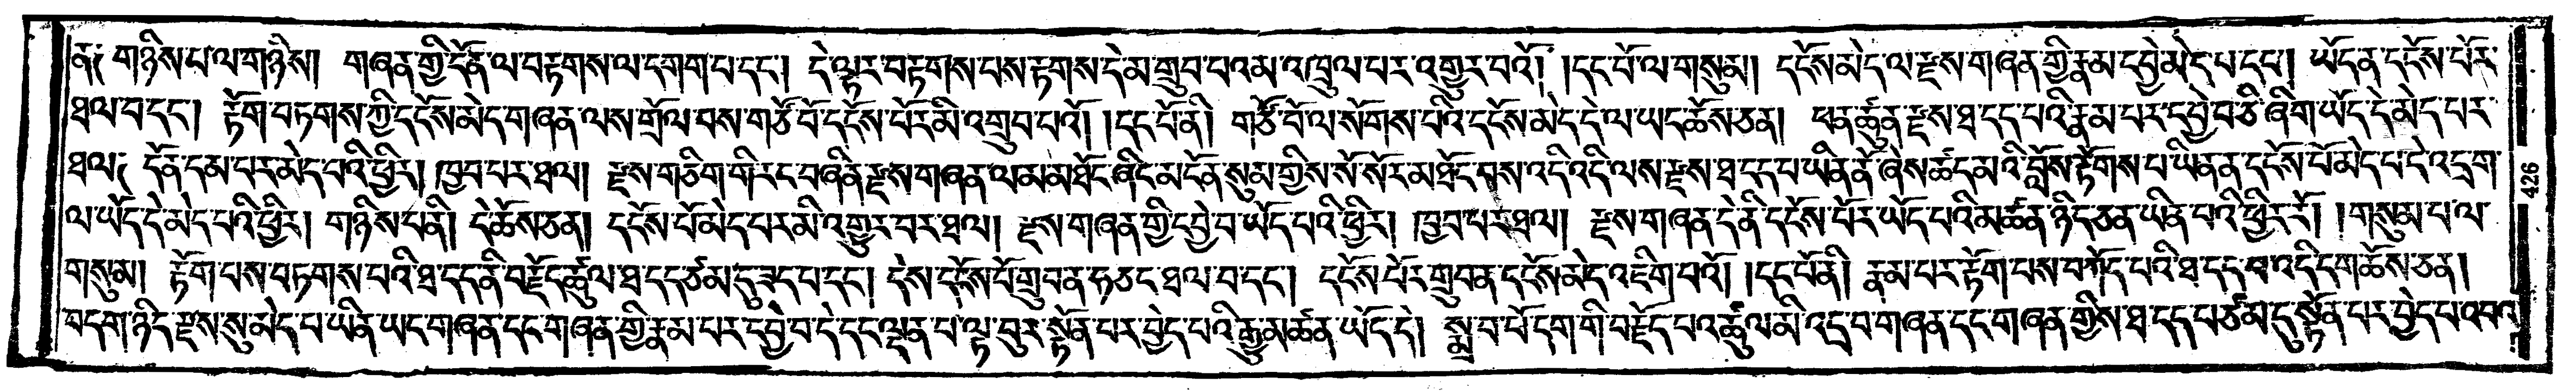ན༑ གཉིས་པ་ལ་གཉིས། གཞན་གྱི་དོན་ལ་བརྟགས་ལ་དགག་པ་དང་། དེ་ལྟར་བརྟགས་པས་རྟགས་དེ་མ་གྲུབ་བའམ་འཁྲུལ་པར་འགྱུར་བའོ། །དང་པོ་ལ་གསུམ། དངོས་མེད་ལ་རྫས་གཞན་གྱི་རྣམ་དབྱེ་མེད་པ་དང་། ཡོད་ན་དངོས་པོར་
ཐལ་བ་དང་། རྟོག་བཏགས་ཀྱི་དངོས་མེད་གཞན་ལས་གྲོལ་བས་གཙོ་བོ་དངོས་པོར་མི་འགྲུབ་པའོ། །དང་པོ་ནི། གཙོ་བོ་ལ་སོགས་པའི་དངོས་མེད་དེ་ལ་ཡང་ཆོས་ཅན། ཕན་ཚུན་རྫས་ཐ་དད་པའི་རྣམ་པར་དབྱེ་བ་ཅི་ཞིག་ཡོད་དེ་མེད་པར་
ཐལ༑ དོན་དམ་པར་མེད་པའི་ཕྱིར། ཁྱབ་པར་ཐལ། རྫས་གཅིག་གི་རང་བཞིན་རྫས་གཞན་ལ་མ་མཐོང་ཞིང་མངོན་སུམ་གྱིས་སོ་སོར་མཐོང་བས་འདི་འདི་ལས་རྫས་ཐ་དད་པ་ཡིན་ནོ་ཞེས་ཚད་མའི་བློས་རྟོགས་པ་ཡིན་ན་དངོས་པོ་མེད་པ་དེ་འདྲག་
ལ་ཡོད་དེ་མེད་པའི་ཕྱིར། གཉིས་པ་ནི། དེ་ཆོས་ཅན། དངོས་པོ་མེད་པར་མི་འགྱུར་བར་ཐལ། རྫས་གཞན་གྱི་དབྱེ་བ་ཡོད་པའི་ཕྱིར། ཁྱབ་པར་ཐལ། རྫས་གཞན་དེ་ནི་དངོས་པོར་ཡོད་པའི་མཚན་ཉིད་ཅན་ཡིན་པའི་ཕྱིར་རོ། །གསུམ་པ་ལ་
གསུམ། རྟོག་པས་བཏགས་པའི་ཐ་དད་ནི་བརྗོད་ཚུལ་ཐ་དད་ཙམ་དུ་ཟད་པ་དང་། དེས་དངོས་པོ་གྲུབ་ན་ཧ་ཅང་ཐལ་བ་དང་། དངོས་པོར་གྲུབ་ན་དངོས་མེད་འཇིག་པའོ། །དང་པོ་ནི། རྣམ་པར་རྟོག་པས་བཀོད་པའི་ཐ་དད་བ་འདི་དག་ཆོས་ཅན།
བདག་ཉིད་རྫས་སུ་མེད་པ་ཡིན་ཡང་གཞན་དང་གཞན་གྱི་རྣམ་པར་དབྱེ་བ་དེ་དང་ལྡན་པ་ལྟ་བུར་སྟོན་པར་བྱེད་པའི་རྒྱུ་མཚན་ཡོད་དེ། སྨྲ་བ་ཕོ་དག་གི་བརྗོད་པ་འཚུལ་མི་འདྲ་བ་གཞན་དང་གཞན་གྱིས་ཐ་དད་པ་ཙམ་དུ་སྟོན་པར་བྱེད་པ་འབའ་